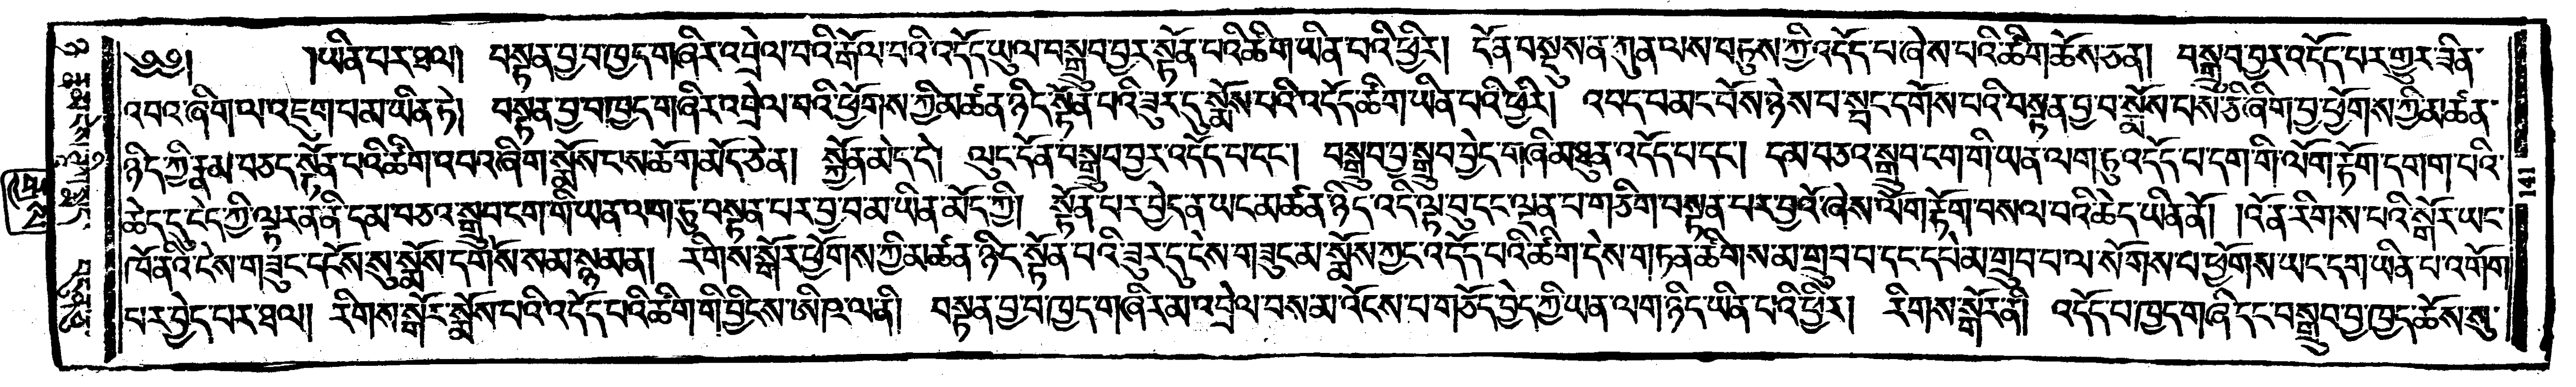༄༅། །ཡིན་པར་ཐལ། བསྟན་བྱ་བ་ཁྱད་གཞིར་འབྲེལ་བའི་རྒོལ་བའི་འདོད་ཡུལ་བསྒྲུབ་བྱར་སྟོན་པའི་ཚིག་ཡིན་པའི་ཕྱིར། དོན་བསྡུས་ན་ཀུན་ལས་བཏུས་ཀྱི་འདོད་པ་ཞེས་པའི་ཚིག་ཆོས་ཅན། བསྒྲུབ་བྱར་འདོད་པར་གྱུར་ཟིན་
འབའ་ཞིག་ལ་འཇུག་པ་མ་ཡིན་ཏེ། བསྟན་བྱ་བ་ཁྱད་གཞིར་འབྲེལ་བའི་ཕྱོགས་ཀྱི་མཚན་ཉིད་སྟོན་པའི་ཟུར་དུ་སྨོས་པའི་འདོད་ཚིག་ཡིན་པའི་ཕྱིར། འབད་པ་མང་པོས་ཉེས་པ་སྤང་དགོས་པའི་བསྟན་བྱ་བ་སྨོས་པས་ཅི་ཞིག་བྱ་ཕྱོགས་ཀྱི་མཚན་
ཉིད་ཀྱི་རྣམ་བཅད་སྟོན་པའི་ཚིག་འབའ་ཞིག་སྨོས་པས་ཆོག་མོད་ཅེ་ན། སྐྱོན་མེད་དེ། ལུང་དོན་བསྒྲུབ་བྱར་འདོད་པ་དང་། བསྒྲུབ་བྱ་སྒྲུབ་བྱེད་གཞི་མཐུན་འདོད་པ་དང་། དམ་བཅའ་སྒྲུབ་ངག་གི་ཡན་ལག་ཏུ་འདོད་པ་དག་གི་ལོག་རྟོག་དགག་པའི་
ཆེད་དུ་ངེད་ཀྱི་ལྟར་ན་ནི་དམ་བཅའ་སྒྲུབ་ངག་གི་ཡན་ལག་ཏུ་བསྟན་པར་བྱ་བ་མ་ཡིན་མོད་ཀྱི། སྟོན་པར་བྱེད་ན་ཡང་མཚན་ཉིད་འདི་ལྟ་བུ་དང་ལྡན་པ་གཅིག་བསྟན་པར་བྱའོ་ཞེས་ལོག་རྟོག་བསལ་བའི་ཆེད་ཡིན་ནོ། །འོ་ན་རིགས་པའི་སྒོར་ཡང་
ཁོ་ནའི་ངེས་གཟུང་དངོས་སུ་སྨོས་དགོས་སམ་སྙམ་ན། རིགས་སྒོར་ཕྱོགས་ཀྱི་མཚན་ཉིད་སྟོན་པའི་ཟུར་དུ་ངེས་གཟུང་མ་སྨོས་ཀྱང་འདོད་པའི་ཚིག་དེས་གཏན་ཚིགས་མ་གྲུབ་པ་དང་དཔེ་མ་གྲུབ་པ་ལ་སོགས་པ་ཕྱོགས་ཡང་དག་ཡིན་པ་འགོག་
པར་བྱེད་པར་ཐལ། རིགས་སྒོར་སྨོས་པའི་འདོད་པའི་ཚིག་གི་བྱིངས་ཨི་ཥ་ལ་ནི། བསྟན་བྱ་བ་ཁྱད་གཞིར་མ་འབྲེལ་བས་མ་འོངས་པ་གཅོད་བྱེད་ཀྱི་ཡན་ལག་ཉིད་ཡིན་པའི་ཕྱིར། རིགས་སྒོར་ནི། འདོད་པ་ཁྱད་གཞི་དང་བསྒྲུབ་བྱ་ཁྱད་ཆོས་སུ་